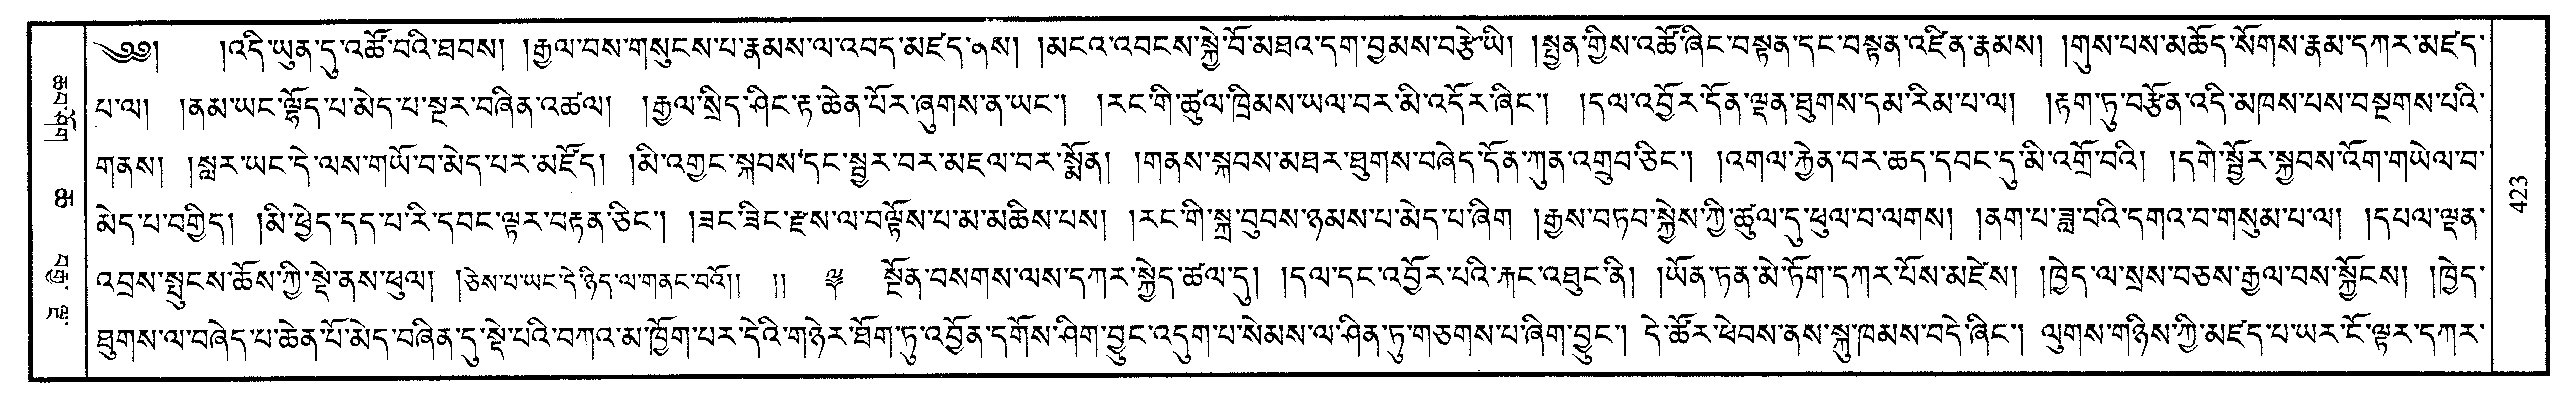༄༅། །འདི་ཡུན་དུ་འཚོ་བའི་ཐབས། །རྒྱལ་བས་གསུངས་པ་རྣམས་ལ་འབད་མཛད་ནས། །མངའ་འབངས་སྐྱེ་བོ་མཐའ་དག་བྱམས་བརྩེ་ཡི། །སྤྱན་གྱིས་འཚོ་ཞིང་བསྟན་དང་བསྟན་འཛིན་རྣམས། །གུས་པས་མཆོད་སོགས་རྣམ་དཀར་མཛད་
པ་ལ། །ནམ་ཡང་ལྷོད་པ་མེད་པ་སྔར་བཞིན་འཚལ། །རྒྱལ་སྲིད་ཤིང་རྟ་ཆེན་པོར་ཞུགས་ན་ཡང་། །རང་གི་ཚུལ་ཁྲིམས་ཡལ་བར་མི་འདོར་ཞིང་། །དལ་འབྱོར་དོན་ལྡན་ཐུགས་དམ་རིམ་པ་ལ། །རྟག་ཏུ་བརྩོན་འདི་མཁས་པས་བསྔགས་པའི་
གནས། །སླར་ཡང་དེ་ལས་གཡོ་བ་མེད་པར་མཛོད། །མི་འགྱང་སྐབས་དང་སྦྱར་བར་མཇལ་བར་སྨོན། །གནས་སྐབས་མཐར་ཐུགས་བཞེད་དོན་ཀུན་འགྲུབ་ཅིང་། །འགལ་རྐྱེན་བར་ཆད་དབང་དུ་མི་འགྲོ་བའི། །དགེ་སྦྱོར་སྐྱབས་འོག་གཡེལ་བ་
མེད་པ་བགྱིད། །མི་ཕྱེད་དད་པ་རི་དབང་ལྟར་བརྟན་ཅིང་། །ཟང་ཟིང་རྫས་ལ་བལྟོས་པ་མ་མཆིས་པས། །རང་གི་སྐྲ་བུབས་ཉམས་པ་མེད་པ་ཞིག །རྒྱས་བཏབ་སྐྱེས་ཀྱི་ཚུལ་དུ་ཕུལ་བ་ལགས། །ནག་པ་ཟླ་བའི་དགའ་བ་གསུམ་པ་ལ། །དཔལ་ལྡན་
འབྲས་སྤུངས་ཆོས་ཀྱི་སྡེ་ནས་ཕུལ། །ཅེས་པ་ཡང་དེ་ཉིད་ལ་གནང་བའོ།། །། ༈ སྔོན་བསགས་ལས་དཀར་སྐྱེད་ཚལ་དུ། །དལ་དང་འབྱོར་པའི་རྐང་འཐུང་ནི། །ཡོན་ཏན་མེ་ཏོག་དཀར་པོས་མཛེས། །ཁྱེད་ལ་སྲས་བཅས་རྒྱལ་བས་སྐྱོངས། །ཁྱེད་
ཐུགས་ལ་བཞེད་པ་ཆེན་པོ་མེད་བཞིན་དུ་སྡེ་པའི་བཀའ་མ་ཁྱོག་པར་དེའི་གཉེར་ཐོག་ཏུ་འབྱོན་དགོས་ཤིག་བྱུང་འདུག་པ་སེམས་ལ་ཤིན་ཏུ་གཅགས་པ་ཞིག་བྱུང་། །དེ་ཚོར་ཕེབས་ནས་སྐུ་ཁམས་བདེ་ཞིང་། །ལུགས་གཉིས་ཀྱི་མཛད་པ་ཡར་ངོ་ལྟར་དཀར་